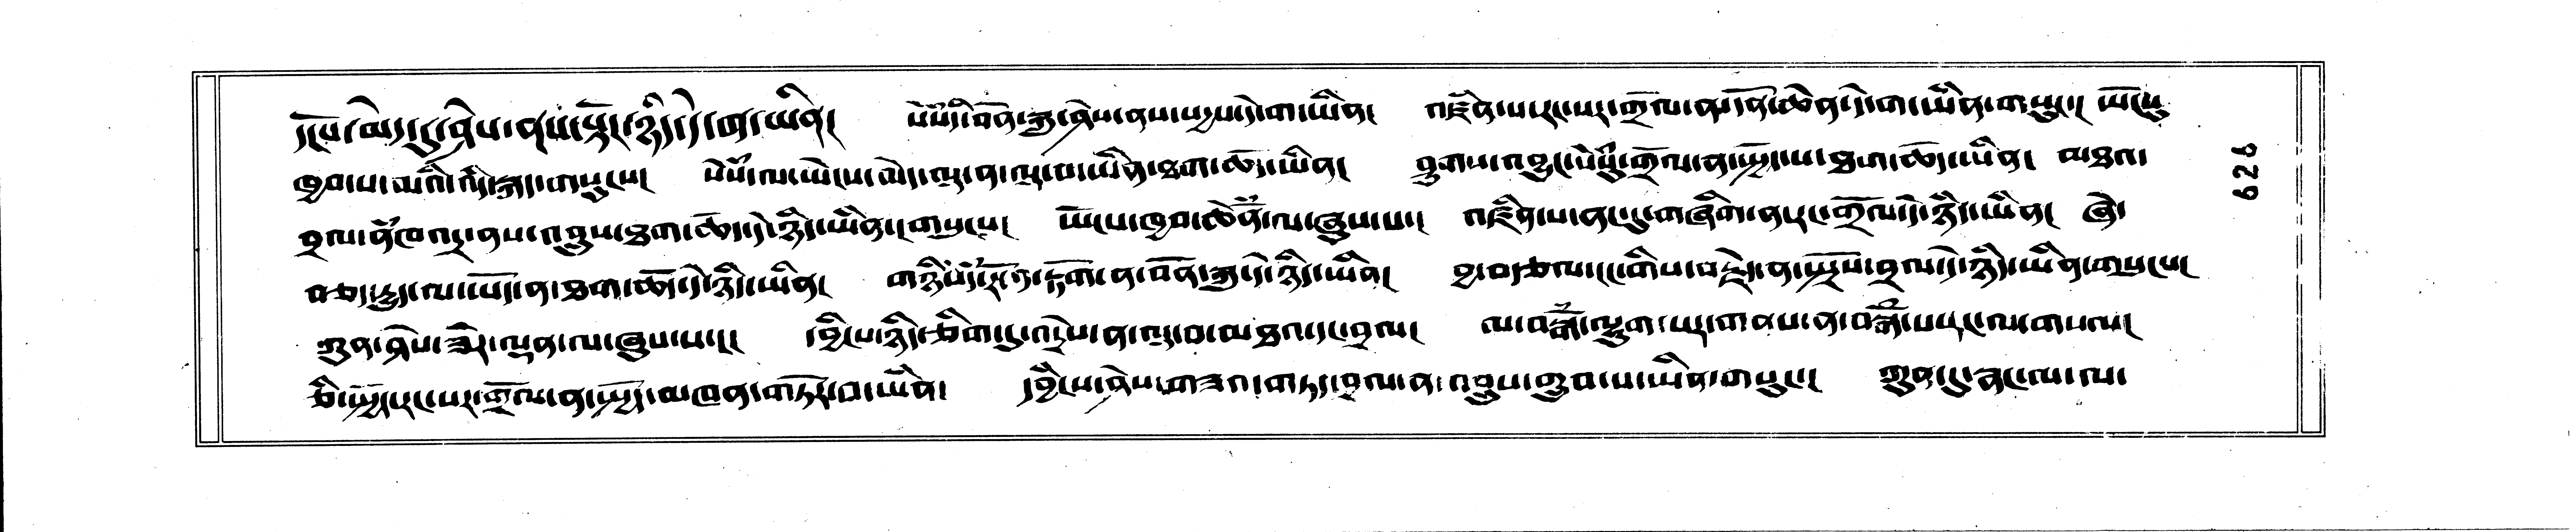དངོས་མེད་དུ་ཤེས་ན་སྟོང་ཉིད་དེ་ཀ་ཡིན། སེམས་ཉིད་བོན་སྐུར་ཤེས་ན་དེ་ཀ་ཡིན། འཛིན་པ་རང་སར་གྲོལ་ན་དོན་དམ་དེ་ཀ་ཡིན་གསུངས། ཡོང་
ཁྱབ་མས་འདི་སྐད་གསུངས། སེམས་ལ་ཡེང་མེད་རྟགས་ན་ལྟ་བ་ཐག་ཆོད་ཡིན། ངང་ལ་རྒྱུན་དུ་གནས་ན་སྒོམ་པ་ཐག་ཆོད་ཡིན། ཤུགས་འབྱུང་སེམས་སུ་གྲོལ་ན་སྤྱོད་པ་ཐག་ཆོད་ཡིན། མཐའ་
བྲལ་ནམ་མཁའ་འདྲ་ན་འབྲས་བུ་ཐག་ཆོད་ཡིན་གསུངས། ཡོང་ཁྱབ་ཆེན་མོ་ལ་ཞུས་པ། འཛིན་པ་རང་དུ་ཞིག་ན་རང་གྲོལ་དེ་ཉིད་ཡིན། ཞེས་‘‘ཞི”
བཅད་རྒྱུད་ལ་ཡོད་ན་ཐག་ཆོད་དེ་ཉིད་ཡིན། གཉིས་མེད་རོ་གཅིག་རྟོགས་ན་བོན་སྐུ་དེ་ཉིད་ཡིན། མ་བརྩལ་ངང་གི་བརྗེད་ན་སྤྲོས་བྲལ་དེ་ཉིད་ཡིན། 
ཀུན་ཤེས་ཟེར་ལྡན་མ་ལ་ཞུས་པས། དབྱིངས་རིག་གཅིག་དུ་འདྲེན་ན་ལྟ་བ་མཐའ་དང་བྲལ། མ་སྒོམ་ལྷུག་པར་གནས་ན་སྒོམ་པ་ངང་ལ་གནས། 
ཅི་སྤྱོད་རང་སར་གྲོལ་ན་སྤྱོད་མཁན་སྟོང་པ་ཡིན། དབྱིངས་ཤེས་གཟའ་གཏད་བྲལ་ན་འབྲས་བུ་གྲུབ་པ་ཡིན། ཀུན་